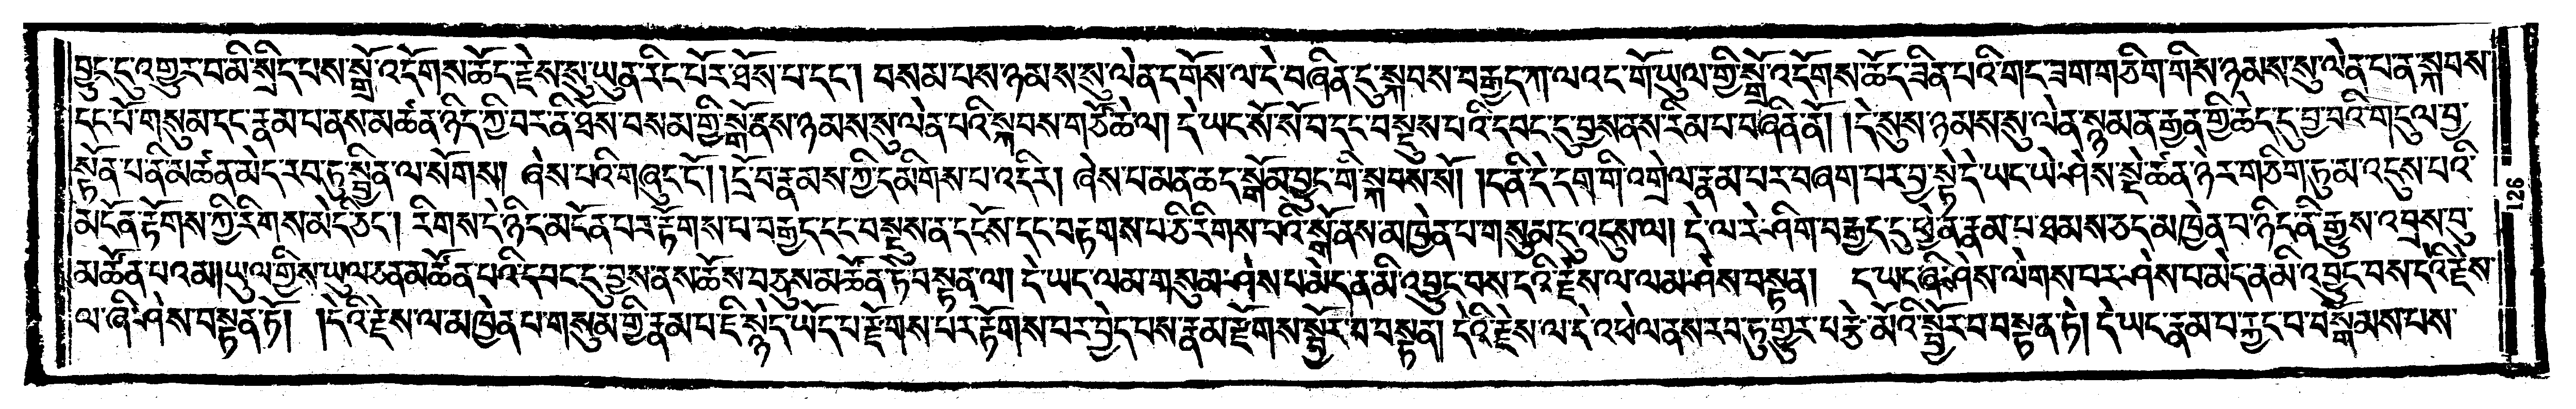བྱུང་དུ་འགྱུར་བ་མི་སྲིད་པས་སྒྲོ་འདོགས་ཆོད་རྗེས་སུ་ཡུན་རིང་པོར་ཐོས་པ་དང་། བསམ་པས་ཉམས་སུ་ལེན་དགོས་ལ་དེ་བཞིན་དུ་སྐབས་བརྒྱད་ཀ་ལའང་གོ་ཡུལ་གྱི་སྒྲོ་འདོགས་ཆོད་ཟིན་པའི་གང་ཟག་གཅིག་གིས་ཉམས་སུ་ལེན་པ་ན་སྐབས་
དང་པོ་གསུམ་དང་རྣམ་པ་ནས་མཚན་ཉིད་ཀྱི་བར་ནི་ཐོས་བསམ་གྱི་སྒོ་ནས་ཉམས་སུ་ལེན་པའི་སྐབས་གཙོ་ཆེ་ལ། དེ་ཡང་སོ་སོ་བ་དང་བསྡུས་པའི་དབང་དུ་བྱས་ནས་རིམ་པ་བཞིན་ནོ། །དེ་སུས་ཉམས་སུ་ལེན་སྙམ་ན་རྒྱན་གྱི་ཆེད་དུ་བྱ་བའི་གདུལ་བྱ་
སྟོན་པ་ནི་མཚན་མེད་རབ་ཏུ་སྦྱིན་ལ་སོགས། ཞེས་པའི་གཞུང་ངོ། །དྲོ་བ་རྣམས་ཀྱི་དམིགས་པ་འདིར། ཞེས་པ་མན་ཆད་སྒོམ་བྱུང་གི་སྐབས་སོ། །ད་ནི་དེ་དག་གི་འགྲེལ་རྣམ་པར་བཞག་པར་བྱ་སྟེ་དེ་ཡང་ཡེ་ཤེས་སྡེ་ཚན་ཉེར་གཅིག་ཏུ་མ་འདུས་པའི་
མངོན་རྟོགས་ཀྱི་རིགས་མེད་ཅིང་། རིགས་དེ་ཉིད་མངོན་པར་རྟོགས་པ་བརྒྱད་དང་བསྡུས་ན་དངོས་དང་བརྟགས་པ་ཅི་རིགས་པའི་སྒོ་ནས་མཁྱེན་པ་གསུམ་དུ་འདུས་ལ། དེ་ལ་རེ་ཤིག་བརྒྱད་དུ་ཕྱེ་ན་རྣམ་པ་ཐམས་ཅད་མཁྱེན་པ་ཉིད་ནི་རྒྱུས་འབྲས་བུ་
མཚོན་པའམ། ཡུལ་གྱིས་ཡུལ་ཅན་མཚོན་པའི་དབང་དུ་བྱས་ནས་ཆོས་བཅུས་མཚོན་ཏེ་བསྟན་ལ། དེ་ཡང་ལམ་གསུམ་ཤེས་པ་མེད་ན་མི་འབྱུང་བས་ངའི་རྗེས་ལ་ལམ་ཤེས་བསྟན། ད་ཡང་ཞི་ཤེས་ལེགས་པར་ཤེས་པ་མེད་ན་མི་འབྱུང་བས་དེའི་རྗེས་
ལ་ཞི་ཤེས་བསྟན་ཏོ། །དེའི་རྗེས་ལ་མཁྱེན་པ་གསུམ་གྱི་རྣམ་པ་ཇི་སྙེད་ཡོད་པ་རྫོགས་པར་རྟོགས་པར་བྱེད་པས་རྣམ་རྫོགས་སྦྱོར་བ་བསྟན། དེའི་རྗེས་ལ་དེ་འཕེལ་ནས་རབ་ཏུ་གྱུར་པ་རྩེ་མོའི་སྦྱོར་བ་བསྟན་ཏེ། དེ་ཡང་རྣམ་པ་རྐྱང་པ་བསྒོམས་པས་